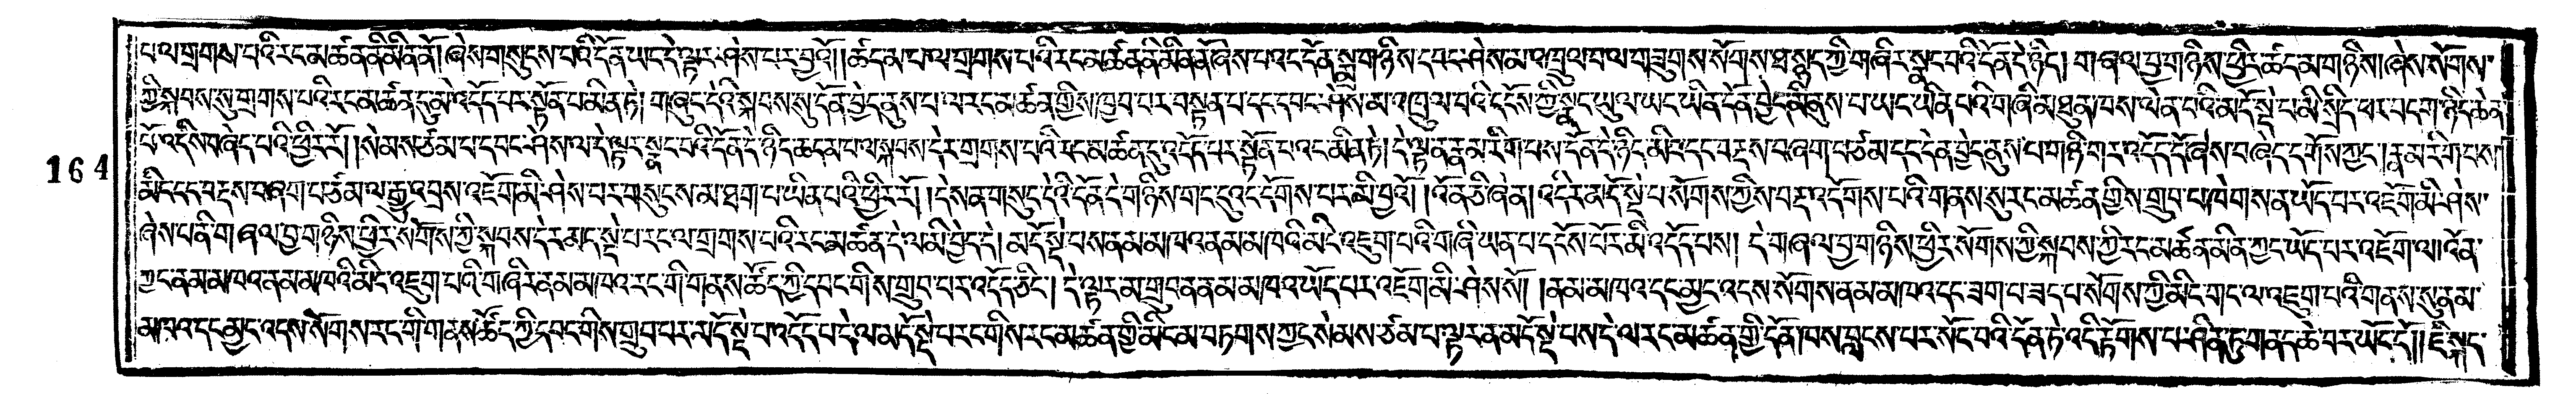པ་ལ་གྲགས་པའི་རང་མཚན་ནི་མིན་ནོ། ཞེས་གསུངས་པའི་དོན་ཡང་དེ་ལྟར་ཤེས་པར་བྱའོ། །ཚད་མ་པ་ལ་གྲགས་པའི་རང་མཚན་ནི་མིན་ནོ་ཞེས་པའང་དོན་སྨྲ་གཉིས་དབང་ཤེས་མ་འཁྲུལ་བ་ལ་གཟུགས་སོགས་ཐ་སྙད་ཀྱི་གཞིར་སྣང་བའི་དོན་དེ་ཉིད། གཞལ་བྱ་གཉིས་ཕྱེད་ཚད་མ་གཉིས། ཞེས་སོགས་
ཀྱི་སྐབས་སུ་གྲགས་པའི་རང་མཚན་དུ་མེ་འདོད་པར་སྟོན་པ་མིན་ཏེ། གཞུང་དེའི་སྐབས་སུ་དོན་བྱེད་ནུས་པ་ལ་རང་མཚན་གྱིས་ཁྱབ་པར་བསྟན་པ་དང་དབང་ཤེས་མ་འཁྲུལ་བའི་དངོས་ཀྱི་སྣང་ཡུལ་ཡང་ཡིན་དོན་བྱེད་མི་ནས་པ་ཡང་ཡིན་པའི་གཞི་མཐུན་ཁས་ལེན་པའི་མདོ་སྡེ་པ་མི་སྲིད་ཕར་བདག་ཉིད་ཆེན་
པོ་འདིས་བཞེད་པའི་ཕྱིར་རོ། །སེམས་ཙམ་པ་དབང་ཤེས་ལ་དེ་ལྟར་སྣང་བའི་དོན་དེ་ཉིད་ཆད་མ་པ་ལ་སྐབས་དེར་གྲགས་པའི་རང་མཚན་དུ་འདོད་པར་སྟོན་པའང་མིན་ཏེ། དེ་ལྟ་ན་རྣམ་རིག་པས་དོན་དེ་ཉིད་མིང་དང་བརྡས་བཞག་པ་ཙམ་དང་དེན་བྱེད་ནུས་པ་གཉི་གར་འདོད་དོ་ཞེས་བཞེད་དགོས་ཀྱང་། རྣམ་རིག་པས་
མིང་དང་བརྡས་བཞག་པ་ཙམ་ལ་རྒྱུ་འབྲས་འཇོག་མི་ཤེས་པར་གསུངས་མ་ཐག་པ་ཡིན་པའི་ཕྱིར་རོ། །དེས་ན་གསུང་དེའི་དོན་དེ་གཉིས་གང་དུའང་དོགས་པར་མི་བྱའོ། །འོ་ན་ཅི་ཞེ་ན། འདིར་མདོ་སྡེ་པ་སོགས་ཀྱིས་བརྡ་འདོགས་པའི་གནས་སུ་རང་མཚན་གྱིས་གྲུབ་པ་ཁེགས་ན་ཡོད་པར་འཇོག་མི་ཤེས་
ཞེས་པ་ནི་གཞལ་བྱ་གཉིས་ཕྱིར་སོགས་ཀྱི་སྐབས་དེར་མང་སྡེ་པ་རང་ལ་གྲགས་པའི་རང་མཚན་དེ་ལ་མི་བྱེད་དེ། མདོ་སྡེ་པས་ནམ་མཁའ་ནམ་མཁའི་མིང་འཇུག་པའི་གཞི་ཡན་པ་དངོས་པོར་མི་འདོད་པས། དེ་གཞལ་བྱ་གཉིས་ཕྱིར་སོགས་ཀྱི་སྐབས་ཀྱི་རང་མཚན་མིན་ཀྱང་ཡོད་པར་འཇོག་ལ། འོན་
ཀྱང་ནམ་མཁའ་ནམ་མཁའི་མིང་འཇུག་པའི་གཞིར་ནམ་མཁའ་རང་གི་གནས་ཚོད་ཀྱི་དབང་གིས་གྲུབ་པར་འདོད་ཅིང་། དེ་ལྟར་མ་གྲུབ་ན་ནམ་མཁའ་ཡོད་པར་འཇོག་མི་ཤེས་སོ། །ནམ་མཁའ་དང་མྱང་འདས་སོགས་ནམ་མཁའ་དང་ཟག་པ་ཟད་པ་སོགས་ཀྱི་མིང་གང་ལ་འཇུག་པའི་གནས་སུ་ནམ་
མཁའ་དང་མྱང་འདས་སོགས་རང་གི་གནས་ཚོད་ཀྱི་དབང་གིས་གྲུབ་པར་མདོ་སྡེ་པ་འདོད་པ་དེ་ལ་མདོ་སྡེ་པ་རང་གིས་རང་མཚན་གྱི་མིང་མ་བཏགས་ཀྱང་སེམས་ཙམ་པ་ལྟར་ན་མདོ་སྡེ་པས་དེ་ལ་རང་མཚན་གྱི་དོན་ཁས་བླངས་པར་སོང་བའི་དོན་ཏེ་འདི་རྟོགས་པ་ཤིན་ཏུ་གནད་ཆེ་བར་ཡོད་དོ། །ཇི་སྐད་